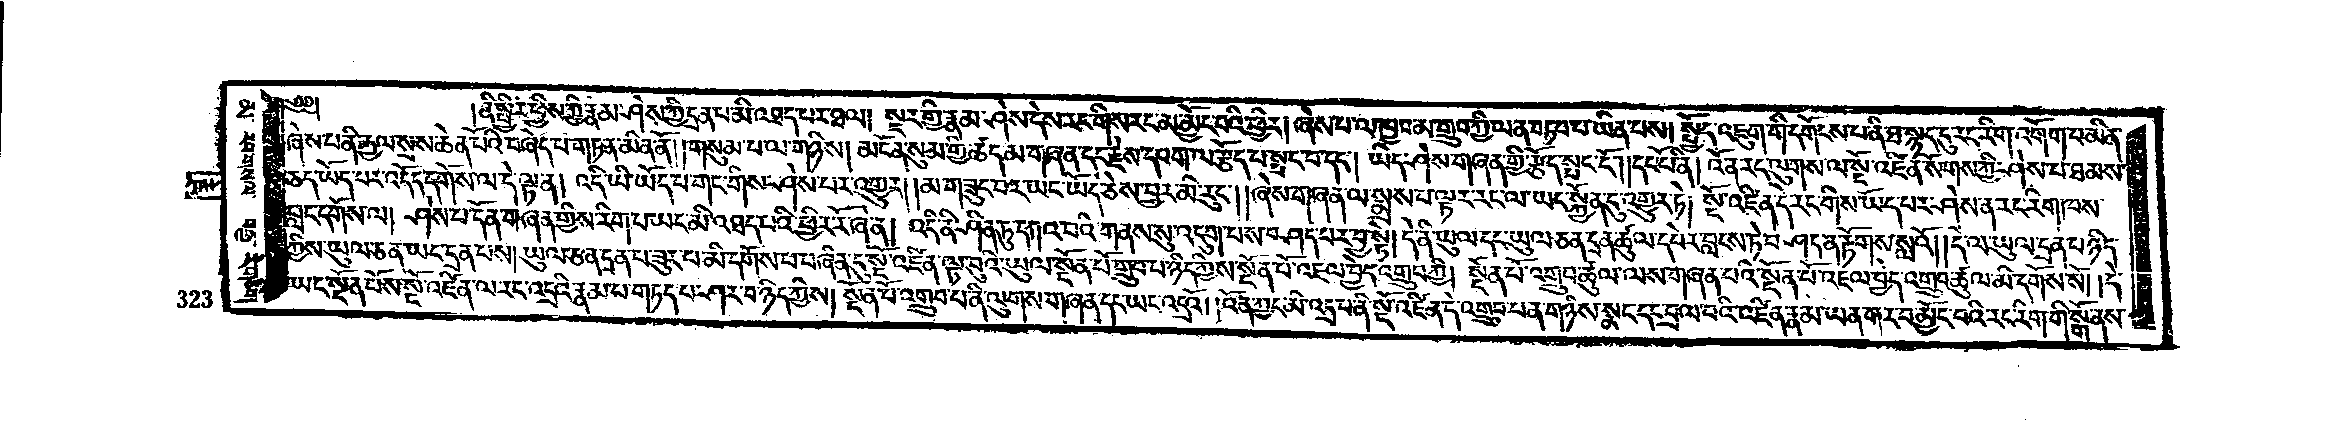༄༅། །ནི་སྤྱིར་ཕྱིས་ཀྱི་རྣམ་ཤེས་ཀྱི་དྲན་པ་མི་འཐད་པར་ཐལ། སྔར་གྱི་རྣམ་ཤེས་དེས་རང་གིས་རང་མ་མྱོང་བའི་ཕྱིར། ཞེས་པ་ལ་ཁྱབ་མ་གྲུབ་ཀྱི་ལན་བཏབ་པ་ཡིན་པས། སྤྱོད་འཇུག་གི་དགོངས་པ་ནི་ཐ་སྙད་དུ་རང་རིག་འགོག་པ་མིན་
ཞེས་པ་ནི་རྒྱལ་སྲས་ཆེན་པོའི་བཞེད་པ་གཏན་མིན་ནོ། །གསུམ་པ་ལ་གཉིས། མངོན་སུམ་གྱི་ཚད་མ་གཞན་དང་རྗེས་དཔག་ལ་རྩོད་པ་སྤང་བ་དང་། ཡིད་ཤེས་གཞན་གྱི་རྩོད་སྤང་ངོ། །དང་པོ་ནི། འོ་ན་རང་ལུགས་ལ་སྔོ་འཛིན་སོགས་ཀྱི་ཤེས་པ་ཐམས་
ཅད་ཡོད་པར་འདོད་དགོས་ལ་དེ་ལྟ་ན། འདི་ཡི་ཡོད་པ་གང་གིས་ཤེས་པར་འགྱུར། །མ་གཟུང་བར་ཡང་ཡོད་ཅེས་བྱར་མི་རུང་། །ཞེས་གཞན་ལ་སྨྲས་པ་ལྟར་རང་ལ་ཡང་སྐྱོན་དུ་འགྱུར་ཏེ། སྔོ་འཛིན་དེ་རང་གིས་ཡོད་པར་ཤེས་ན་རང་རིག་ཁས་
བླང་དགོས་ལ། ཤེས་པ་དོན་གཞན་གྱིས་རིག་པ་ཡང་མི་འཐད་པའི་ཕྱིར་རོ་ཞེ་ན། འདི་ནི་ཤིན་ཏུ་དཀའ་བའི་གནས་སུ་འདུག་པས་བཤད་པར་བྱ་སྟེ། དེ་ནི་ཡུལ་དང་ཡུལ་ཅན་དྲན་ཚུལ་དཔེར་བླངས་ཏེ་བཤད་ན་རྟོགས་སླའོ། །དེ་ལ་ཡུལ་དྲན་པ་ཉིད་
ཀྱིས་ཡུལ་ཅན་ཡང་དྲན་པས། ཡུལ་ཅན་དྲན་པ་ཟུར་བ་མི་དགོས་པ་བཞིན་དུ་སྔོ་འཛིན་ལྟ་བུའི་ཡུལ་སྔོན་པོ་གྲུབ་པ་ཉིད་ཀྱིས་སྔོན་པོ་འཇལ་བྱེད་འགྲུབ་ཀྱི། སྔོན་པོ་འགྲུབ་ཚུལ་ལས་གཞན་པའི་སྔོན་པོ་འཇལ་བྱེད་འགྲུབ་ཚུལ་མི་དགོས་སོ། །དེ་
ཡང་སྔོན་པོས་སྔོ་འཛིན་ལ་རང་འདྲའི་རྣམ་པ་གཏད་པ་ཤར་བ་ཉིད་ཀྱིས། སྔོན་པོ་འགྲུབ་པ་ནི་ལུགས་གཞན་དང་ཡང་འདྲའོ། །འོན་ཀྱང་མི་འདྲ་བ་ནི་སྔོ་འཛིན་དེ་འགྲུབ་པ་ན་གཉིས་སྣང་དང་བྲལ་བའི་འཛིན་རྣམ་ཡན་གར་བ་མྱོང་བའི་རང་རིག་གི་སྒོ་ནས་